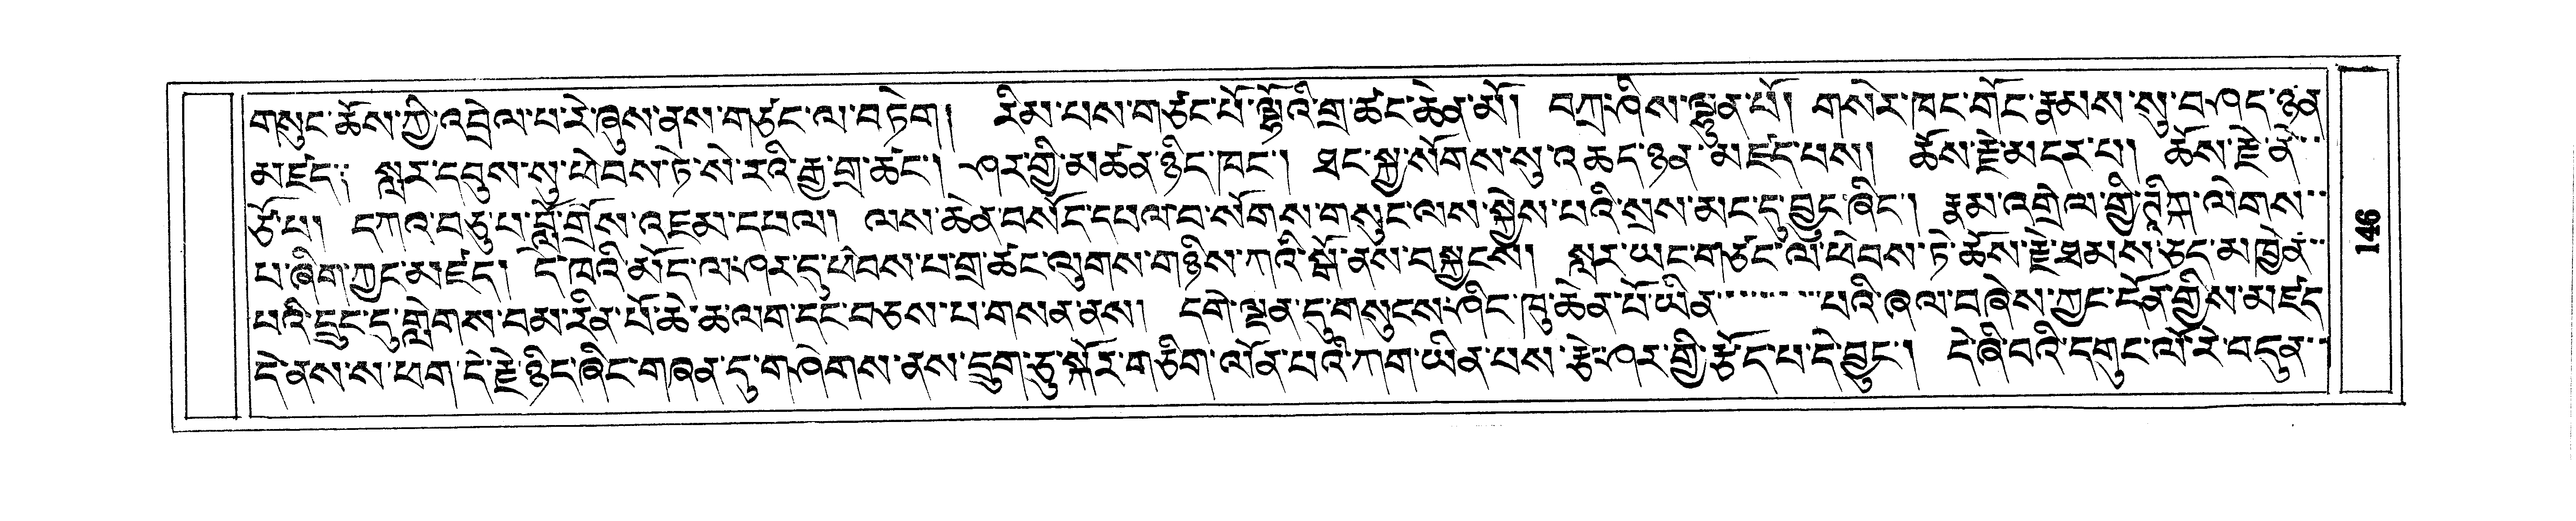གསུང་ཆོས་ཀྱི་འབྲེལ་པ་རེ་ཞུས་ནས་གཙང་ལ་བཏེག། རིམ་པས་གཙང་པོ་ལྷོའི་གྲ་ཚང་ཆེན་མོ། བཀྲ་ཤིས་ལྷུན་པོ། གསེར་ཁང་གོང་རྣམས་སུ་བཤད་ཉན་
མཛད༑ སླར་དབུས་སུ་ཕེབས་ཏེ་སེ་རའི་རྒྱ་གྲ་ཚང་། ཤར་གྱི་མཚན་ཉིད་ཁང་། ཐང་སྐྱ་སོགས་སུ་འཆད་ཉན་མཛད་པས། ཆོས་རྗེ་མདར་པ། ཆོས་རྗེ་ནི་
ཙོ་པ། དཀའ་བཅུ་པ་བློ་གྲོས་འཇམ་དཔལ། ལས་ཆེན་བསོད་དཔལ་བ་སོགས་གསུང་ལས་སྐྱེས་པའི་སྲས་མང་དུ་བྱུང་ཞིང་། རྣམ་འགྲེལ་གྱི་ཊཱིཀྐ་ལེགས་
པ་ཞིག་ཀྱང་མཛད། དེ་ཁའི་མོད་ལ་ཤར་དུ་ཕེབས་པ་གྲ་ཚང་ལུགས་གཉིས་ཀའི་སྒོ་ནས་བསྐྱངས། སླར་ཡང་གཙང་ལ་ཕེབས་ཏེ་ཆོས་རྗེ་ཐམས་ཅད་མཁྱེན་
པའི་དྲུང་དུ་གླེགས་བམ་རིན་པོ་ཆེ་ཆ་ལག་དང་བཅས་པ་གསན་ནས། དགེ་ལྡན་དུ་གསུངས་ཤིང་ཁུ་ཆེན་པོ་ཡིན་པའི་ཞལ་བཞེས་ཀྱང་དོན་གྱིས་མཛད་
དེ་ནས་ས་ཕག་དེ་རྗེ་ཉིད་ཞིང་གཞན་དུ་གཤེགས་ནས་དྲུག་ཅུ་སྐོར་གཅིག་ལོན་པའི་ཀག་ཡིན་པས་རྩེ་ཤར་གྱི་རྩོད་པ་དེ་བྱུང་། དེ་ཞི་བའི་དགུང་ལོ་རེ་བདུན་